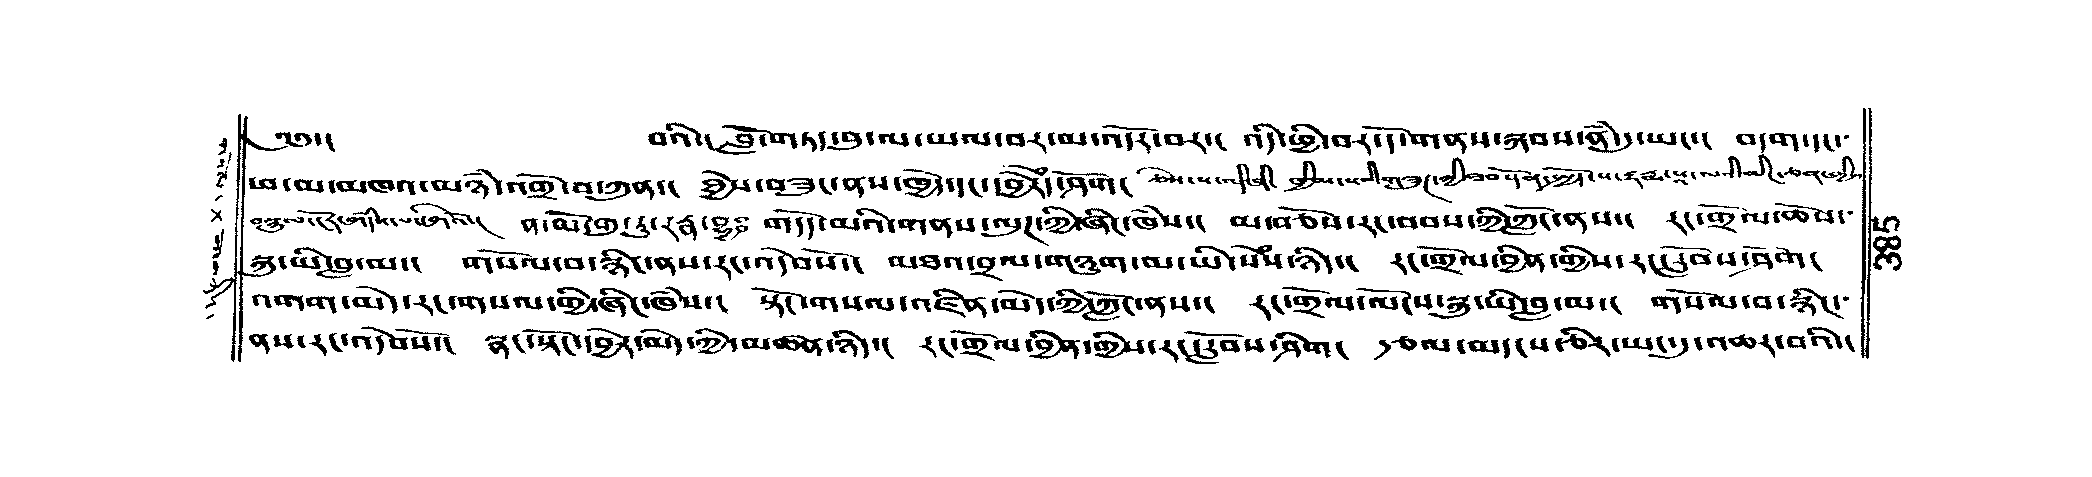བའི། །བློ་གཏད་བུ་ལ་ཡལ་བར་མ་འདོར་བར། །འདི་ཕྱི་བར་དོ་གནས་སྐབས་ནམ་དུ་ཡང་། །བདག་དང་
ཕ་མ་མཁའ་མཉམ་འགྲོ་བ་ཀུན། །ཐུགས་རྗེས་བཟུང་ནས་ཁྱོད་དང་དབྱེར་མེད་ཤོག ཅེས་པ་འདི་ནི། ཁྱིམ་པའི་གཟུགས་ཀྱི་ཟབ་དོན་སྤྱོད་པ་དྷརྨ་པཱ་ལའི་མིང་ཅན་གྱིས་
བསྐུལ་ངོར་གདམས་པ་དགེའོ།། ན་མོ་གུ་རུ་རཏྣ་བྷྱཿ གདོད་མའི་གནས་ལུགས་ཀྱི་ཞིང་ཁམས། །མ་བཅོས་རང་བབས་ཀྱི་ཀློང་ནས། །རང་གྲོལ་ཆོས་
སྐུ་ཡི་བླ་མ། །གསོལ་བ་སྙིང་ནས་རང་འདེབས་སོ། །མཐའ་བྲལ་གཉུག་མ་ཡི་སེམས་ཉིད། །རང་གྲོལ་བྱིན་གྱིས་རང་རློབས་ཤིག།
འགག་མེད་རང་གསལ་གྱི་ཞིང་ཁམས། །སྟོང་གསལ་འཛིན་མེད་ཀྱི་ཀློང་ནས། །རང་གྲོལ་ལོངས་སྐུ་ཡི་བླ་མ། །གསོལ་བ་སྙིང་
ནས་རང་འདེབས་སོ། །སྣང་སྟོང་དབྱེར་མེད་ཀྱི་མཚན་ཉིད། །རང་གྲོལ་བྱིན་གྱིས་རང་རློབས་ཤིག །རྩལ་མདངས་ཅིར་ཡང་དུ་འཆར་བའི།